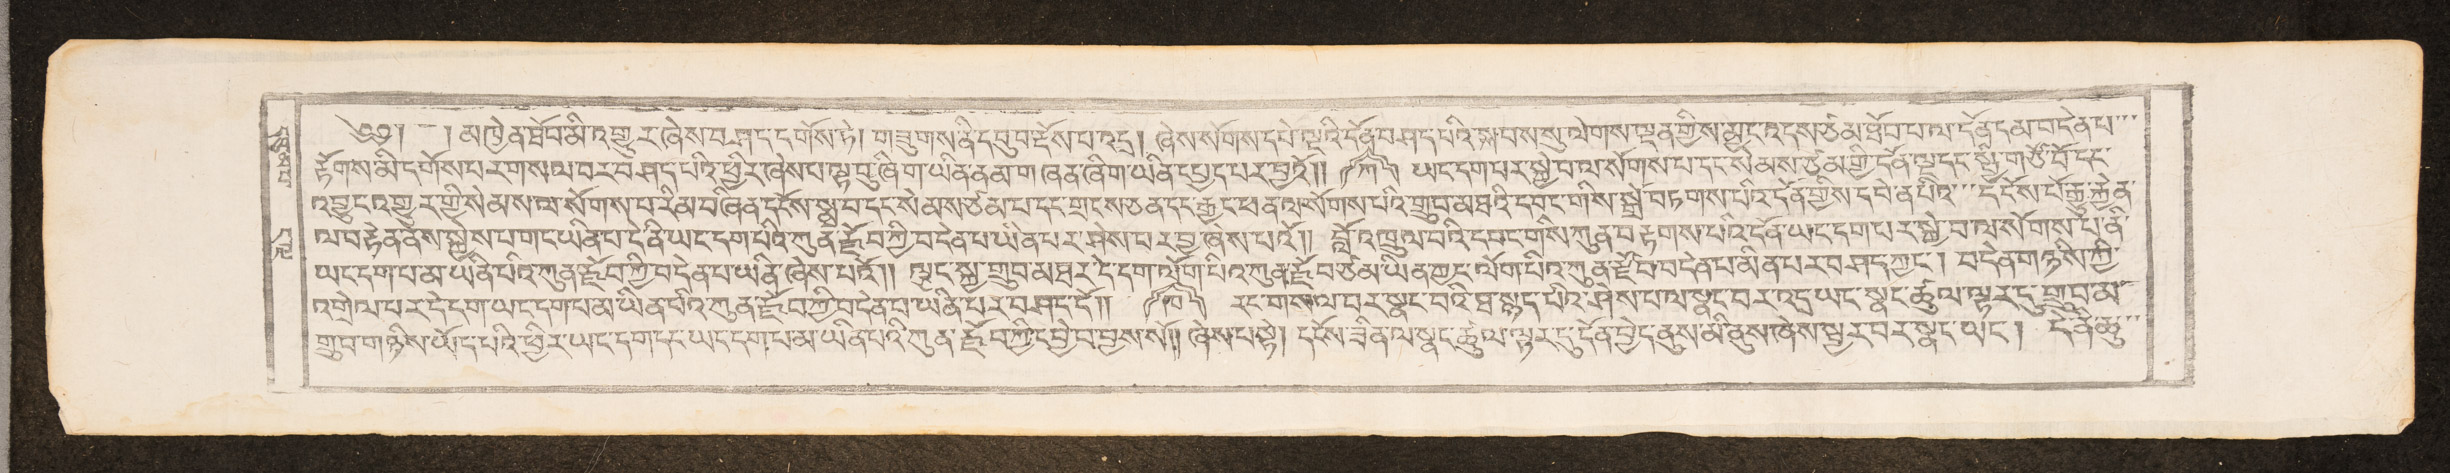༄༅། །མཁྱེན་ཐོབ་མི་འགྱུར་ཞེས་བཤད་དགོས་ཏེ། གཟུགས་ནི་དབུ་བ་རྡོས་པ་འདྲ། ཞེས་སོགས་དཔེ་ལྔའི་དོན་བཤད་པའི་སྐབས་སུ་ལེགས་ལྡན་གྱིས་མྱང་འདས་ཙམ་ཐོབ་པ་ལ་དོན་དམ་བདེན་པ་
རྟོགས་མི་དགོས་པར་གསལ་བར་བཤད་པའི་ཕྱིར་ཞེས་པ་ལྟ་བུ་ཞིག་ཡིན་ནམ་གཞན་ཞིག་ཡིན་དཔྱད་པར་བྱའོ།། ༼༽ཀ༼༽ ཡང་དག་པར་སྐྱེ་བ་ལ་སོགས་པ་དང་སེམས་ཙམ་གྱི་དོན་ལྔ་དང་སྤྱི་གཙོ་བོ་དང་
འབྱུང་འགྱུར་གྱི་སེམས་ལ་སོགས་པ་རིམ་བཞིན་དངོས་སྨྲ་བ་དང་སེམས་ཙམ་པ་དང་གྲངས་ཅན་དང་རྒྱང་ཕན་ལ་སོགས་པའི་གྲུབ་མཐའི་དབང་གིས་སྒྲོ་བཏགས་པའི་དོན་གྱིས་དབེན་པའི་དངོས་པོ་རྒྱུ་རྐྱེན་
ལ་བརྟེན་ནས་སྐྱེས་པ་གང་ཡིན་པ་དེ་ནི་ཡང་དག་པའི་ཀུན་རྫོབ་ཀྱི་བདེན་པ་ཡིན་པར་ཤེས་པར་བྱ་ཞེས་པའོ།། བློ་འཁྲུལ་བའི་དབང་གིས་ཀུན་བརྟགས་པའི་དོན་ཡང་དག་པར་སྐྱེ་བ་ལ་སོགས་པ་ནི་
ཡང་དག་པ་མ་ཡིན་པའི་ཀུན་རྫོབ་ཀྱི་བདེན་པ་ཡིན་ཞེས་པའོ།། ལྕང་སྐྱ་གྲུབ་མཐར་དེ་དག་ལོག་པའི་ཀུན་རྫོབ་ཙམ་ཡིན་ཀྱང་ལོག་པའི་ཀུན་རྫོབ་བདེན་པ་མིན་པར་ཤད་ཀྱང་། བདེན་གཉིས་ཀྱི་
འགྲེལ་བར་དེ་དག་ཡང་དག་པ་མ་ཡིན་པའི་ཀུན་རྫོབ་ཀྱི་བདེན་པ་ཡིན་པར་བཤད་དོ།། ༼༽ཁ༼༽ རང་གསལ་བར་སྣང་བའི་ཐ་སྙད་པའི་ཤེས་པ་ལ་སྣང་བར་འདྲ་ཡང་སྣང་ཚུལ་ལྟར་དུ་གྲུབ་མ་
གྲུབ་གཉིས་ཡོད་པའི་ཕྱིར་ཡང་དག་དང་ཡང་དག་པ་མ་ཡིན་པའི་ཀུན་རྫོབ་ཀྱི་དབྱེ་བ་བྱས་སོ།། ཞེས་པ་སྟེ། དངོས་ཟིན་ལ་སྣང་ཚུལ་ལྟར་དུ་དོན་བྱེད་ནུས་མི་ནུས་ཞེས་སྦྱར་བར་སྣང་ཡང་། དེ་ནི་ཆུ་